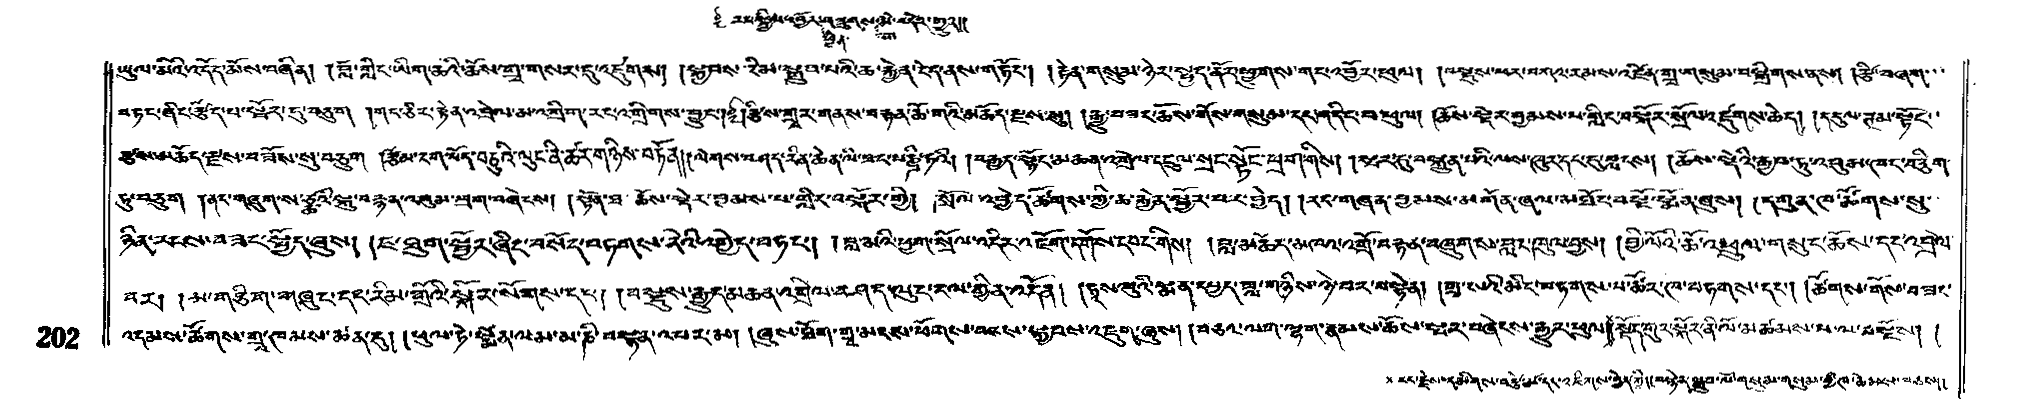ཡུལ་མིའི་འདོད་མོས་བཞིན། །བློ་གླིང་ཡིག་ཆའི་ཆོས་གྲྭ་གསར་དུ་འཛུགས། །སྐྱབས་རིམ་སྒྲུབ་པའི་ཆ་རྐྱེན་ངེད་ནས་གཏོང་། །རྟེན་གསུམ་ཉེར་སྤྱད་ནོར་ཕྱུགས་གང་འབྱོར་ཕུལ། །བསྡུས་ཕར་བཀའ་རམས་འཛིན་གྲྭ་གསུམ་བསྒྲིགས་ནས། །རྩི་བཞག་
བཏང་ཞིང་རྩོད་པ་སྤོར་དུ་བཅུག །གང་ཅིང་རྟེན་འབྲེལ་མ་འགྲིག་རང་འགྲིགས་བྱུང་། རབ་སྐྱེས་འབྱོར་ཕྱིན་གཟུགས་པོ་མེ་བདེར་གྱུར།།  །རྩིས་གྲྭར་གནས་བརྟན་ཆོ་གའི་མཆོད་རྫས་སུ། །རྒྱུ་བཟང་ཆོས་གོས་གསུམ་དང་གདིང་བ་ཕུལ། །ཆོས་སྡེར་བྱམས་པ་གླིང་བསྐོར་སྲོལ་འཛུགས་ཆེད། །དངུལ་ཊམ་སྟོང་
རྩས་མཆོད་རྫས་བཟོས་སུ་བཅུག །རྩོམ་ངག་བོད་བཅུའི་ལུང་ནི་ཚར་གཉིས་བཏོན། །ལེགས་བཤད་རིན་ཆེན་ལི་ཐང་པཎྜི་ཏའི།  །བརྒྱད་སྟོང་མཆན་འགྲེལ་དངུལ་སྲང་སྟོང་ཕྲག་གིས།  །སྤང་དུ་བསྐྲུན་པའི་ལས་ཁུར་དང་དུ་བླངས། །ཆོས་སྡེའི་རྒྱབ་ཏུ་འབུམ་ཁང་བརྩིག་
ཏུ་བཅུག །ནང་གཞུག་ས་ཙྪའི་སྐུ་བརྙན་འབུམ་ཕྲག་བཞེངས། །སྟོན་ཐ་ཆོས་སྡེར་བྱམས་པ་གླིང་བསྐོར་གྱི། །སྲོལ་འབྱེད་ཚོགས་ཀྱི་ཆ་རྐྱེན་སྦྱོར་པར་བྱེད། །རང་གཞན་བྱམས་མགོན་ཞལ་མཐོང་བསྔོ་སྨོན་ཞུས། །དགུན་ཁ་ཚོགས་སུ་
ཉིན་རངས་བཟང་སྤྱོད་ཞུས། །ཇ་ཐུག་སྦྱོར་ཞིང་བསོད་བཏགས་རེའི་འགྱེད་བཏང་། །བླ་མའི་ཕྱག་སྲོལ་འདིར་འཇོག་དགོས་དབང་གིས། །བླ་མཆོད་མཁའ་འགྲོ་བརྟན་བཞུགས་བླང་ཁུལ་བྱས། །བྱི་ལོའི་ཆོ་འཕྲུལ་གསུང་ཆོས་དང་འབྲེལ་
བར། །མ་གཅིག་གཞུང་དང་རིམ་གྲོའི་སྐོར་སོགས་དང་། །བསྡུས་རྒྱུད་མཆན་འགྲིལ་བཤད་ལུང་ངལ་གྱིན་འདོན། །ཏཱས་ཕུའི་སྨན་དཔྱད་ཟླ་གཉིས་ཉེ་བར་བསྟེན། །གྲྭ་པའི་མིང་བཏགས་པ་ཚོར་ཁ་བཏགས་དང་། །ཚོགས་གོས་བཟང་
འདམས་ཚོགས་གྲྭ་ཁམས་ཚན་དུ། །ཕུལ་ཏེ་སྨོན་ལམ་མ་ཎི་བསྟན་འབར་མ། །ཞུས་ཐོག་གྲྭ་མངས་ཕོགས་ཡངས་སྐྱབས་འཇུག་ཞུས། །བཅའ་ལག་ལྷག་རྣམས་ཆོས་སྤར་བཞེངས་རྒྱུར་ཕུལ། རང་རྗེས་དམིགས་བརྩེ་མ་དང་འཇིགས་བྱེད་ཀྱི། །བསྙེན་སྒྲུབ་ལོ་གསུམ་གསུམ་གྱི་ཁ་ཆེམས་བཅས།།  སྡོད་གུར་སྐོར་ནི་ལོ་མཚམས་པ་ལ་བསྔོས། །